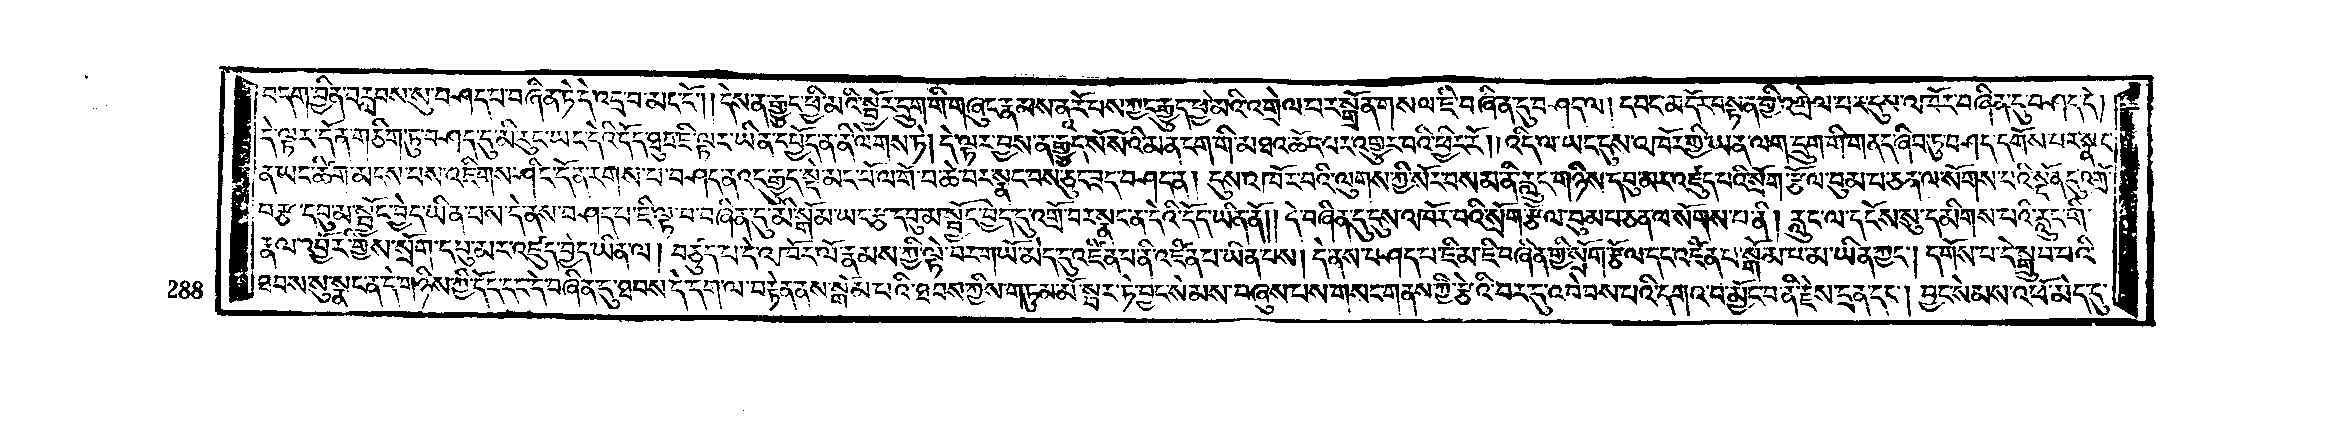བདག་བྱིན་བརླབས་སུ་བཤད་པ་བཞིན་ཏེ་དེ་འདྲ་བ་མང་ངོ། །དེས་ན་རྒྱུད་ཕྱི་མའི་སྦྱོར་དྲུག་གི་གཞུང་རྣམས་ནཱ་རོ་པས་ཀྱང་རྒྱུད་ཕྱི་མའི་འགྲེལ་པར་སྒྲོན་གསལ་ཇི་བཞིན་དུ་བཤད་ལ། དབང་མདོར་བསྟན་གྱི་འགྲེལ་པར་དུས་འཁོར་བཞིན་དུ་བཤད་དེ།
དེ་ལྟར་དོན་གཅིག་ཏུ་བཤད་དུ་མི་རུང་ཡང་དེའི་དོད་ཐུབ་ཇི་ལྟར་ཡིན་དཔྱོད་ན་ནི་ལེགས་ཏེ། དེ་ལྟར་བྱས་ན་རྒྱུད་སོ་སོའི་མན་ངག་གི་མཐའ་ཆོད་པར་འགྱུར་བའི་ཕྱིར་རོ། །འདི་ལ་ཡང་དུས་འཁོར་གྱི་ཡན་ལག་དྲུག་གི་གནད་ཞིབ་ཏུ་བཤད་དགོས་པར་སྣང་
ན་ཡང་ཚིག་མངས་པས་འཇིགས་ཤིང་དོན་རགས་པ་བཤད་ནའང་རྒྱུད་སྡེ་མང་པོ་ལ་གོ་བ་ཆེ་བར་སྣང་བས་ཅུང་ཟད་བཤད་ན། དུས་འཁོར་བའི་ལུགས་ཀྱི་སོར་བསམ་ནི་རླུང་གཉིས་དབུ་མར་འཛུད་པའི་སྲོག་རྩོལ་བུམ་པ་ཅན་ལ་སོགས་པའི་སྔོན་དུ་འགྲོ་
བ་རྩ་དབུ་མ་སྦྱོང་བྱེད་ཡིན་པས་དེ་ནས་བཤད་པ་ཇི་ལྟ་བ་བཞིན་དུ་མི་སྒོམ་ཡང་རྩ་དབུ་མ་སྦྱོང་བྱེད་དུ་འགྲོ་བར་སྣང་ན་དེའི་དོད་ཡིན་ནོ། །དེ་བཞིན་དུ་དུས་འཁོར་བའི་སྲོག་རྩོལ་བུམ་པ་ཅན་ལ་སོགས་པ་ནི། རླུང་ལ་དངོས་སུ་དམིགས་པའི་རླུང་གི་
རྣལ་འབྱོར་གྱིས་སྲོག་དབུ་མར་འཛུད་བྱེད་ཡིན་ལ། བཙུད་པ་དེ་འཁོར་ལོ་རྣམས་ཀྱི་ལྟེ་བར་གཡོ་མེད་དུ་འཛིན་པ་ནི་འཛིན་པ་ཡིན་པས། དེ་ནས་བཤད་པ་ཇི་མ་ཇི་བཞིན་གྱི་སྲོག་རྩོལ་དང་འཛིན་པ་སྒོམ་པ་མ་ཡིན་ཀྱང་། དགོས་པ་དེ་སྒྲུབ་པའི་
ཐབས་སུ་སྣང་ན་དེ་གཉིས་ཀྱི་དོད་དང་དེ་བཞིན་དུ་ཐབས་དེ་དག་ལ་བརྟེན་ནས་སྒོམ་པའི་ཐབས་ཀྱིས་གཏུམ་མོ་སྤང་?་ཏེ་བྱང་སེམས་བཞུས་པས་གསང་གནས་ཀྱི་རྩེའི་བར་དུ་འབེབས་པའི་དགའ་བ་མྱོང་བ་ནི་རྗེས་དྲན་དང་། བྱང་སེམས་འཕོ་མེད་དུ་